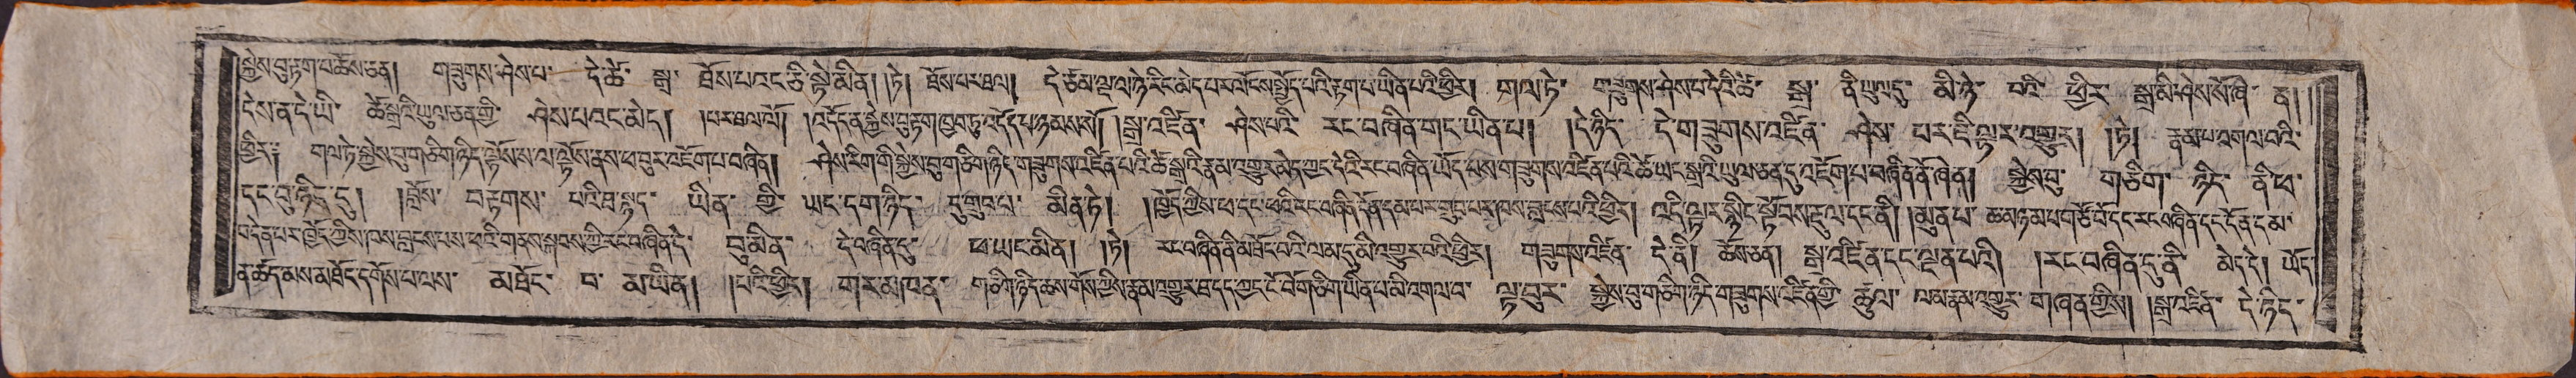སྐྱེས་བུ་རྟག་པ་ཆོས་ཅན། གཟུགས་ཤེས་པ་དེ་ཚེ་སྒྲ་ཐོས་པའང་ཅི་སྟེ་མིན། །ཏེ། ཐོས་པར་ཐལ། དེ་ཙམ་ལྔ་ལ་ཉེ་རིང་མེད་པར་ལོངས་སྤྱོད་པའི་རྟག་པ་ཡིན་པའི་ཕྱིར།  གལ་ཏེ་གཟུགས་ཤེས་པ་དེའི་ཚེ་སྒྲ་ནི་ཡུལ་དུ་མི་ཉེ་བའི་ཕྱིར་སྒྲ་མི་ཤེས་སོ་ཞེ་ན།།
དེས་ན་དེ་ཡི་ཚེ་སྒྲའི་ཡུལ་ཅན་གྱི་ཤེས་པའང་མེད། །པར་ཐལ་ལོ། །འདོད་ན་སྐྱེས་བུ་རྟག་ཁྱབ་ཏུ་འདོད་པ་ཉམས་སོ།  །སྒྲ་འཛིན་ཤེས་པའི་རང་བཞིན་གང་ཡིན་པ། །དེ་ཉིད་དེ་གཟུགས་འཛིན་ཤེས་པར་ཇི་ལྟར་འགྱུར། །ཏེ། རྣམ་པ་འགལ་བའི་
ཕྱིར༑ གལ་ཏེ་སྐྱེས་བུ་གཅིག་ཉིད་ལྟོས་ས་ལ་ལྟོས་ནས་ཕ་བུར་འཇོག་པ་བཞིན། ཤེས་རིག་གི་སྐྱེས་བུ་གཅིག་ཉིད་གཟུགས་འཛིན་པའི་ཚེ་སྒྲའི་རྣམ་འགྱུར་མེད་ཀྱང་དེའི་རང་བཞིན་ཡོད་པས་གཟུགས་འཛིན་པའི་ཚེ་ཡང་སྒྲའི་ཡུལ་ཅན་དུ་འཇོག་པ་བཞིན་ནོ་ཞེ་ན། སྐྱེས་བུ་གཅིག་ཉིད་ནི་ཕ་
དང་བུ་ཉིད་དུ། །བློས་བརྟགས་པའི་ཐ་སྙད་ཡིན་གྱི་ཡང་དག་ཉིད་དུ་གྲུབ་པ་མིན་ཏེ། །ཁྱོད་ཀྱིས་ཕ་དང་ཕའི་རང་བཞིན་དོན་དམ་པར་གྲུབ་པར་ཁས་བླངས་པའི་ཕྱིར།  འདི་ལྟར་སྙིང་སྟོབས་རྡུལ་དང་ནི། །མུན་པ་ཆ་མཉམ་པ་གཙོ་བོ་དང་རང་བཞིན་དང་དོན་དམ་
བདེན་པར་ཁྱོད་ཀྱིས་ཁས་བླངས་པས་ཕའི་གནས་སྐབས་ཀྱི་རང་བཞིན་དེ་བུ་མིན་དེ་བཞིན་དུ་ཕ་ཡང་མིན། །ཏེ། རང་བཞིན་ནི་མཐོང་བའི་ལམ་དུ་མི་འགྱུར་བའི་ཕྱིར། གཟུགས་འཛིན་དེ་ནི་ཆོས་ཅན།  སྒྲ་འཛིན་དང་ལྡན་པའི། །རང་བཞིན་དུ་ནི་མེད་དེ། ཡོད་
ན་ཚད་མས་མཐོང་དགོས་པ་ལས་མཐོང་བ་མ་ཡིན། །པའི་ཕྱིར། གར་མཁན་གཅིག་ཉིད་ཆས་གོས་ཀྱིས་རྣམ་འགྱུར་ཐ་དད་ཀྱང་ངོ་བོ་གཅིག་ཡིན་པ་མི་འགལ་བ་ལྟ་བུར་སྐྱེས་བུ་གཅིག་ཉིད་གཟུགས་འཛིན་གྱི་ཚུལ་ལམ་རྣམ་འགྱུར་གཞན་གྱིས། །སྒྲ་འཛིན་དེ་ཉིད་